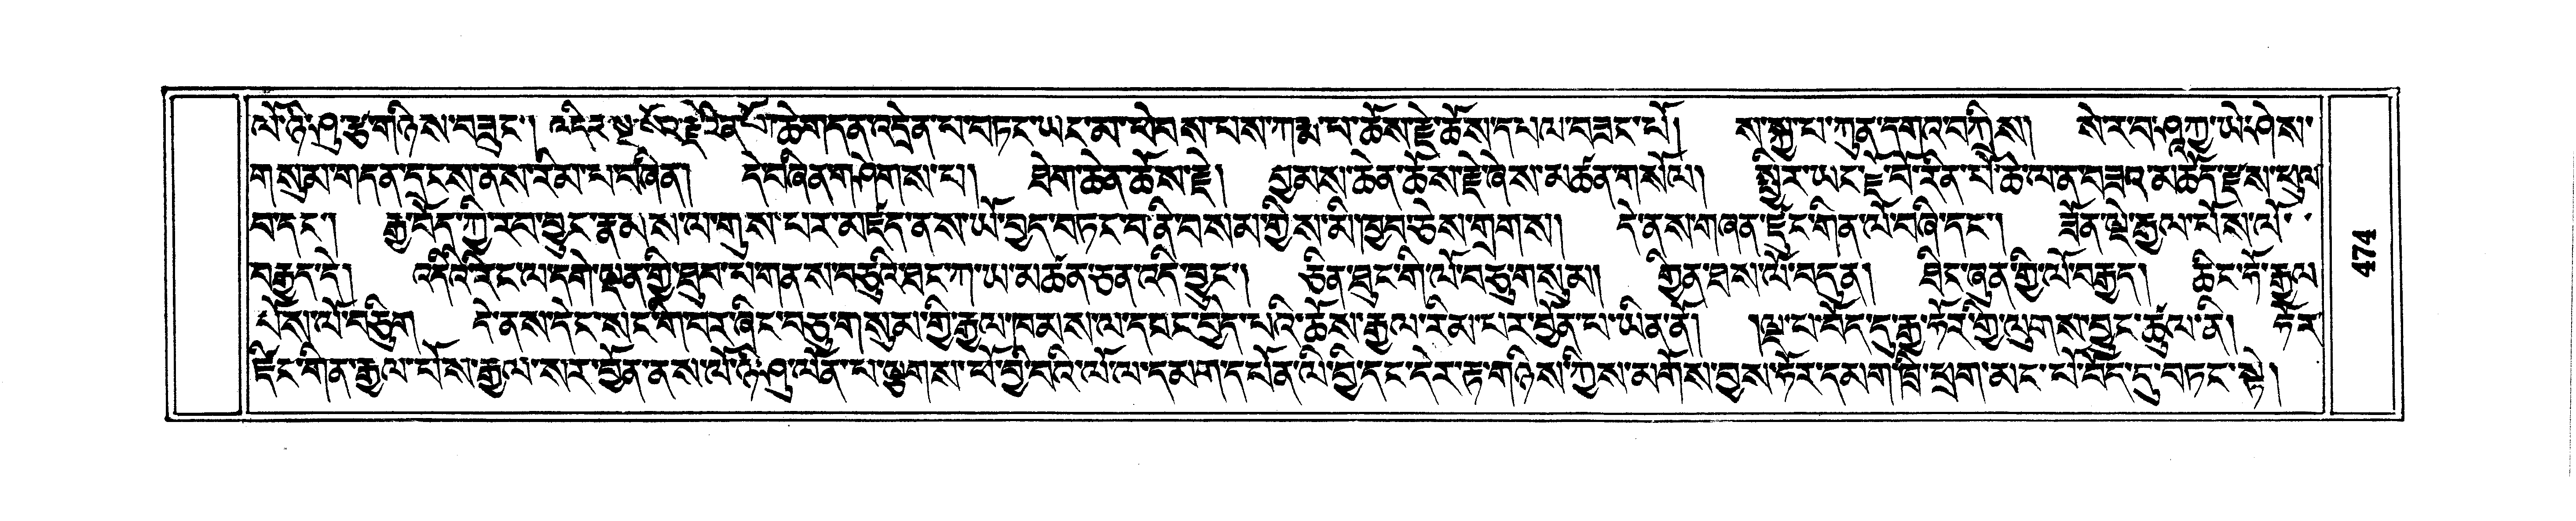ལོ་ཉི་ཤུ་རྩ་གཉིས་བཟུང་། འདིར་སྔ་སོར་རྗེ་རིན་པོ་ཆེ་གདན་འདྲེན་པ་བཏང་ཡང་མ་ཕེབས་པས་ཀརྨ་པ་ཆོས་རྗེ་ཆོས་དཔལ་བཟང་པོ། ས་སྐྱ་པ་ཀུན་དགའ་བཀྲིས། སེ་ར་བ་ཤཱཀྱ་ཡེ་ཤེས་
གསུམ་གདན་དངས་ནས་རིམ་པ་བཞིན། དེ་བཞིན་གཤེགས་པ། ཐེག་ཆེན་ཆོས་རྗེ། བྱམས་ཆེན་ཆོས་རྗེ་ཞེས་མཚན་གསོལ། སྤྱིར་ཡང་ཇོ་བོ་རིན་པོ་ཆེ་ལ་ན་བཟའ་མཆོད་རྫས་ཕུལ་
བ་དང་། རྒྱ་བོད་ཀྱི་རབ་བྱུང་རྣམས་ལ་གུས་པར་མཛད་ནས་ཡོ་བྱད་བཏང་བ་ནི་བསམ་གྱིས་མི་ཁྱབ་ཅེས་གྲགས། དེ་ནས་གཞན་ཛུང་གིན་ལོ་བཞི་དང་། ཟོན་ལྡེ་རྒྱལ་པོས་ལོ་
བརྒྱད་དེ། འདིའི་རིང་ལ་དགེ་ལྡན་གྱི་ཐུབ་པ་གནས་བཅུའི་ཐང་ཀ་ཡ་མཚན་ཅན་འདི་བྱུང་། ཅིན་ཐུང་གི་ལོ་བཅུ་གསུམ། གྱིན་ཐས་ལོ་བདུན། ཐིང་ཞུན་གྱི་ལོ་བརྒྱད། ཆིང་ཧོ་རྒྱལ་
པོས་ལོ་བཅུཨིག་དེ་ནས་དེང་སང་གི་བར་ཞིང་བཅུ་གསུམ་གྱི་རྒྱལ་ཁམས་ལ་དབང་བྱེད་པའི་ཆོས་རྒྱལ་རིམ་པར་བྱོན་པ་ཡིན་ནོ། །ལྔ་པ་བོད་དུ་རྒྱ་ཧོར་གྱི་ལུགས་བྱུང་ཚུལ་ནི། ཧོར་
ཛིང་གིན་རྒྱལ་པོས་རྒྱལ་སར་བྱོན་ནས་ལོ་ཉི་ཤུ་ལོན་པ་ལྕགས་ཕོ་བྱི་བའི་ལོ་ལ་དམག་དཔོན་ལི་བྱི་དང་དེར་རྟ་གཉིས་ཀྱིས་མགོས་བྱས་ཧོར་དམག་ཁྲི་ཕྲག་མང་པོ་བོད་དུ་བཏང་སྟེ།